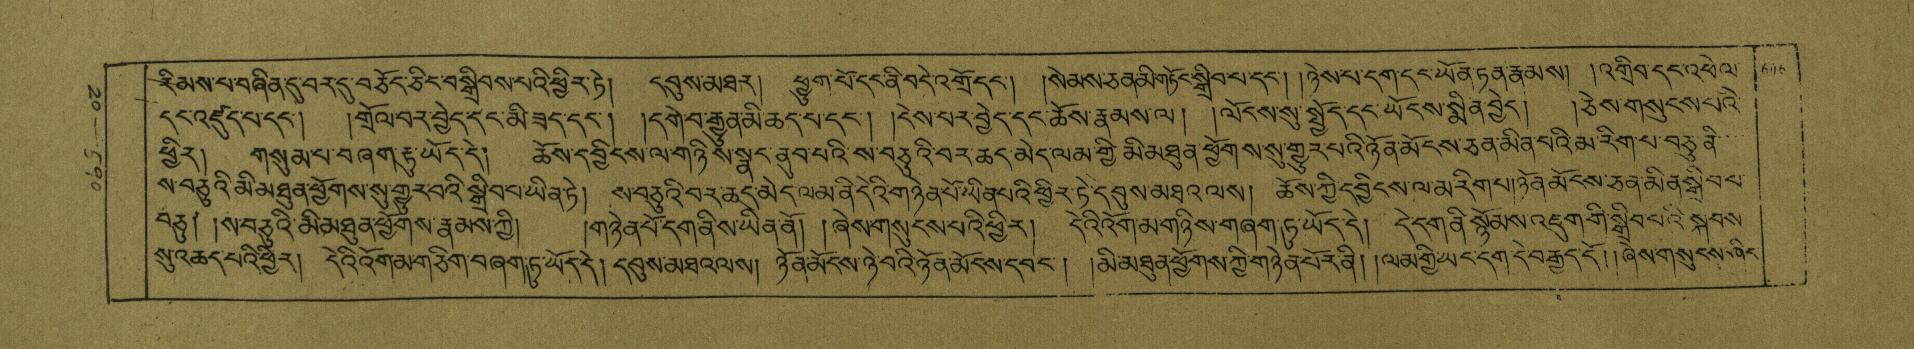རིམས་པ་བཞིན་དུ་བར་དུ་བཅོད་ཅིང་བསྒྲིབས་པའི་ཕྱིར་ཏེ། དབུས་མཐར། ཕྱུག་པོ་དང་ནི་བདེ་འགྲོ་དང་། །སེམས་ཅན་མི་གཏོང་སྒྲིབ་པ་དང་། །ཉེས་པ་དག་དང་ཡོན་ཏན་རྣམས། །འགྲིབ་དང་འཕེལ་
དང་འཛུད་པ་དང་། །གྲོལ་བར་བྱེད་དང་མི་ཟད་དང་། །དགེ་བ་རྒྱུན་མི་ཆད་པ་དང་། །ངེས་པར་བྱེད་དང་ཆོས་རྣམས་ལ། །ལོངས་སུ་སྤྱོད་དང་ཡོངས་སྨིན་བྱེད། །ཅེས་གསུངས་པའི་
ཕྱིར། གསུམ་པ་བཞག་རྟུ་ཡོད་དེ། ཆོས་དབྱིངས་ལ་གཉིས་སྣང་ནུབ་པའི་ས་བཅུའི་བར་ཆད་མེད་ལམ་གྱི་མི་མཐུན་ཕྱོགས་སུ་གྱུར་པའི་ཉོན་མོངས་ཅན་མིན་པའི་མ་རིག་པ་བཅུ་ནི་
ས་བཅུའི་མི་མཐུན་ཕྱོགས་སུ་གྱུར་བའི་སྒྲིབ་པ་ཡིན་ཏེ། ས་བཅུའི་བར་ཆད་མེད་ལམ་ནི་དེའི་གཉེན་པོ་ཡིན་པའི་ཕྱིར་ཏེ་དབུས་མཐའ་ལས། ཆོས་ཀྱི་དབྱིངས་ལ་མ་རིག་པ། ཉོན་མོངས་ཅན་མིན་སྒྲིབ་པ་
བཅུ། །ས་བཅུའི་མི་མཐུན་ཕྱོགས་རྣམས་ཀྱི། །གཉེན་པོ་དག་ནི་ས་ཡིན་ནོ། །ཞེས་གསུངས་པའི་ཕྱིར། དེའི་འོག་མ་གཉིས་གཞག་ཏུ་ཡོད་དེ། དེ་དག་ནི་སྙོམས་འཇུག་གི་སྒྲིབ་པའི་སྐབས་
སུ་འཆད་པའི་ཕྱིར། དེའི་འོག་མ་གཅིག་བཞག་ཏུ་ཡོད་དེ། དབུས་མཐའ་ལས། ཉོན་མོངས་ཉེ་བའི་ཉོན་མོངས་དབང་། །མི་མཐུན་ཕྱོགས་ཀྱི་གཉེན་པོར་ནི། །ལམ་གྱི་ཡང་དག་དེ་བརྒྱད་དོ། །ཞེས་གསུངས་ཤིང་